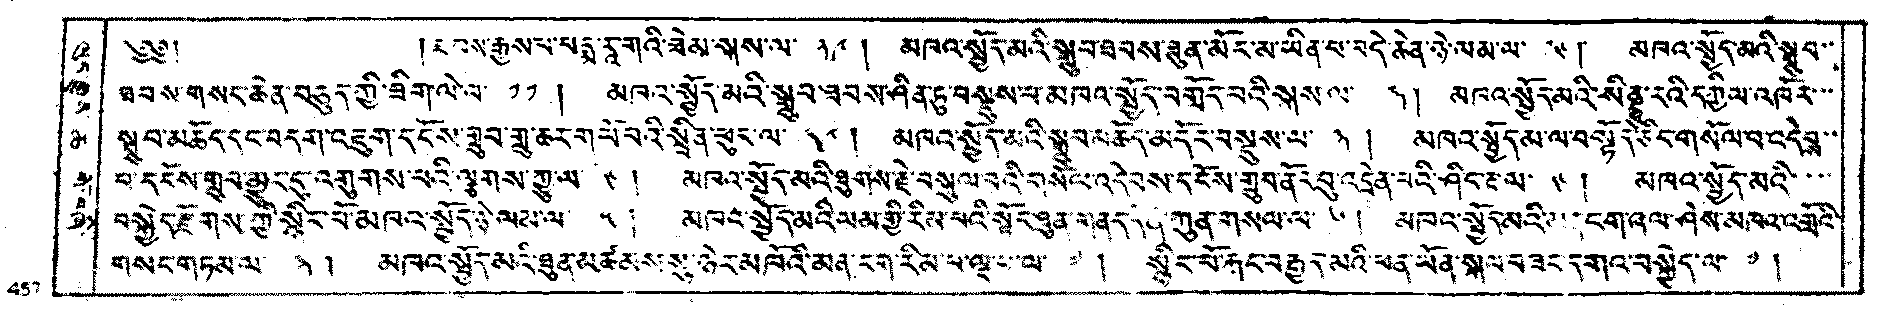༄༅། །ཐབས་རྒྱས་པ་པདམ་རཱ་གའི་ཐེམ་སྐས་ལ ༢༩། མཁའ་སྤྱོད་མའི་སྒྲུབ་ཐབས་ཐུན་མོང་མ་ཡིན་པ་བདེ་ཆེན་ཉེ་ལམ་ལ ༡༤། མཁའ་སྤྱོད་མའི་སྒྲུབ་
ཐབས་གསང་ཆེན་བཅུད་ཀྱི་ཐིག་ལེ་ལ ༡༡། མཁའ་སྤྱོད་མའི་སྒྲུབ་ཐབས་ཤིན་ཏུ་བསྡུས་པ་མཁའ་སྤྱོད་བགྲོད་པའི་སྐས་ལ ༣། མཁའ་སྤྱོད་མའི་སིནྡྷུ་རའི་དཀྱིལ་འཁོར་
སྒྲུབ་མཆོད་དང་བདག་འཇུག་དངོས་གྲུབ་གྲུ་ཆར་གཡོ་བའི་སྤྲིན་ཕུང་ལ ༣༩། མཁའ་སྤྱོད་མའི་སྒྲུབ་མཆོད་མདོར་བསྡུས་ལ ༣། མཁའ་སྤྱོད་མ་ལ་བསྟོད་ཅིང་གསོལ་བ་འདེབས་
པ་དངོས་གྲུབ་མྱུར་དུ་འགུགས་པའི་ལྕགས་ཀྱུ་ལ ༤། མཁའ་སྤྱོད་མའི་ཐུགས་རྗེ་བསྐུལ་བའི་གསོལ་འདེབས་དངོས་གྲུབ་ནོར་བུ་འདྲེན་པའི་ཤིང་རྟ་ལ ༤། མཁའ་སྤྱོད་མའི་
བསྐྱེད་རྫོགས་ཀྱི་སྙིང་པོ་མཁའ་སྤྱོད་ཉེ་ལམ་ལ ༥། མཁའ་སྤྱོད་མའི་ལམ་གྱི་རིམ་པའི་སྟོང་ཐུན་གནད་དོན་ཀུན་གསལ་ལ ༦། མཁའ་སྤྱོད་མའི་མན་ངག་ཞལ་ཤེས་མཁའ་འགྲོའི་
གསང་གཏམ་ལ ༣། མཁའ་སྤྱོད་མའི་ཐུན་མཚམས་སུ་ཉེར་མཁོའི་མན་ངག་རིམ་པ་ལྔ་པ་ལ ༧། སྙིང་པོ་རྐང་བརྒྱད་མའི་ཕན་ཡོན་སྐལ་བཟང་དགའ་བསྐྱེད་ལ ༧།